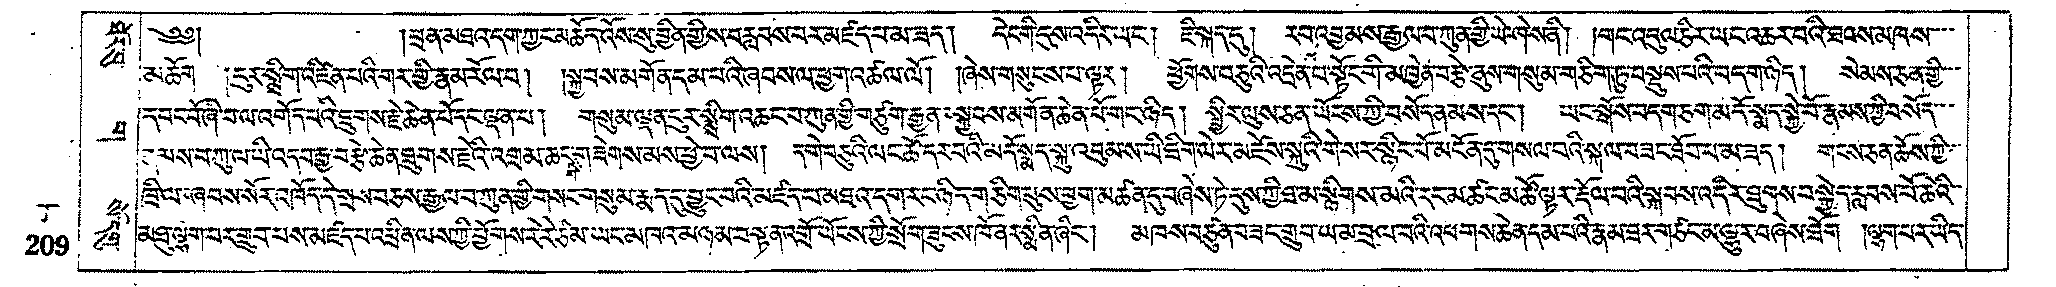༄༅། །ཕྲན་མཐའ་དག་ཀྱང་མཆོད་འོས་སུ་བྱིན་གྱིས་བརླབས་པར་མཛད་པ་མ་ཟད། དེང་གི་དུས་འདིར་ཡང་། ཇི་སྐད་དུ། རབ་འབྱམས་རྒྱལ་བ་ཀུན་གྱི་ཡེ་ཤེས་ནི། །གང་འདུལ་ཅིར་ཡང་འཆར་བའི་ཐབས་མཁས་་་
མཆོག །ངུར་སྨྲིག་འཛིན་པའི་གར་གྱི་རྣམ་རོལ་བ། །སྐྱབས་མགོན་དམ་པའི་ཞབས་ལ་ཕྱག་འཚལ་ལོ། །ཞེས་གསུངས་པ་ལྟར། ཕྱོགས་བཅུའི་འདྲེན་པ་སྟོང་གི་མཁྱེན་བརྩེ་ནུས་གསུམ་གཅིག་ཏུ་བསྡུས་པའི་བདག་ཉིད། སེམས་ཅན་གྱི་་་
དབང་པོ་ཞི་བ་ལ་འགོད་པའི་ཐུགས་རྗེ་ཆེན་པོ་དང་ལྡན་པ། གསུམ་ལྡན་ངུར་སྨྲིག་འཆང་བ་ཀུན་གྱི་གཙུག་རྒྱན ༧སྐྱབས་མགོན་ཆེན་པོ་གང་ཉིད། སྤྱིར་ལུས་ཅན་ཡོངས་ཀྱི་བསོད་ནམས་དང་། ཡང་སོགས་བདག་ཅག་མདོ་སྨད་སྐྱེ་བོ་རྣམས་ཀྱི་བསོད་་་
ནམས་བ་ཀུ་ལ་ཡི་འདབ་རྒྱ་བརྩེ་ཆེན་ཐུགས་རྗེའི་འགྲམ་ཆང་གི་གཟེགས་མས་ཕྱེ་བ་ལས། དགེ་བཅུའི་ལང་ཚོ་དར་བའི་མདོ་སྨད་སྐུ་འབུམས་ཀྱི་ཐིག་ལེར་མཛེས་སྐུའི་གེ་སར་སྙིང་པོ་མངོན་དུ་གསལ་བའི་སྐལ་བཟང་ཐོབ་པ་མ་ཟད། གངས་ཅན་ཆོས་ཀྱི་་་
ཁྲི་ལ ༧ཞབས་སོར་འཁོད་དེ་སྲས་བཅས་རྒྱལ་བ་ཀུན་གྱི་གསང་གསུམ་རྨད་དུ་བྱུང་བའི་མཛད་པ་མཐའ་དག་རང་ཉིད་གཅིག་པུས་ཕྱག་མཚན་དུ་བཞེས་ཏེ་དུས་ཀྱི་ཐ་མ་སྙིགས་མའི་རང་མ་ཚང་མཚོ་ལྟར་རྡོལ་བའི་སྐབས་འདིར་ཐུགས་བསྐྱེད་རླབས་པོ་ཆེའི་་་
མཐུ་ལྷག་པར་གྲུབ་པས་མཛད་པ་འཕྲིན་ལས་ཀྱི་ཕྱོགས་རེ་རེ་ཙམ་ཡང་མཁའ་མཉམ་བསྟན་འགྲོ་ཡོངས་ཀྱི་སྲོག་ཟུངས་ཁོ་ནར་སྨིན་ཞིང་། མཁས་བཙུན་བཟང་གྲུབ་ཡ་མ་བྲལ་བའི་འཕགས་ཆེན་དམ་པའི་རྣམ་ཐར་གཙང་མ་ལྷུར་བཞེས་ཐོག །ལྷག་པར་ཡིད་